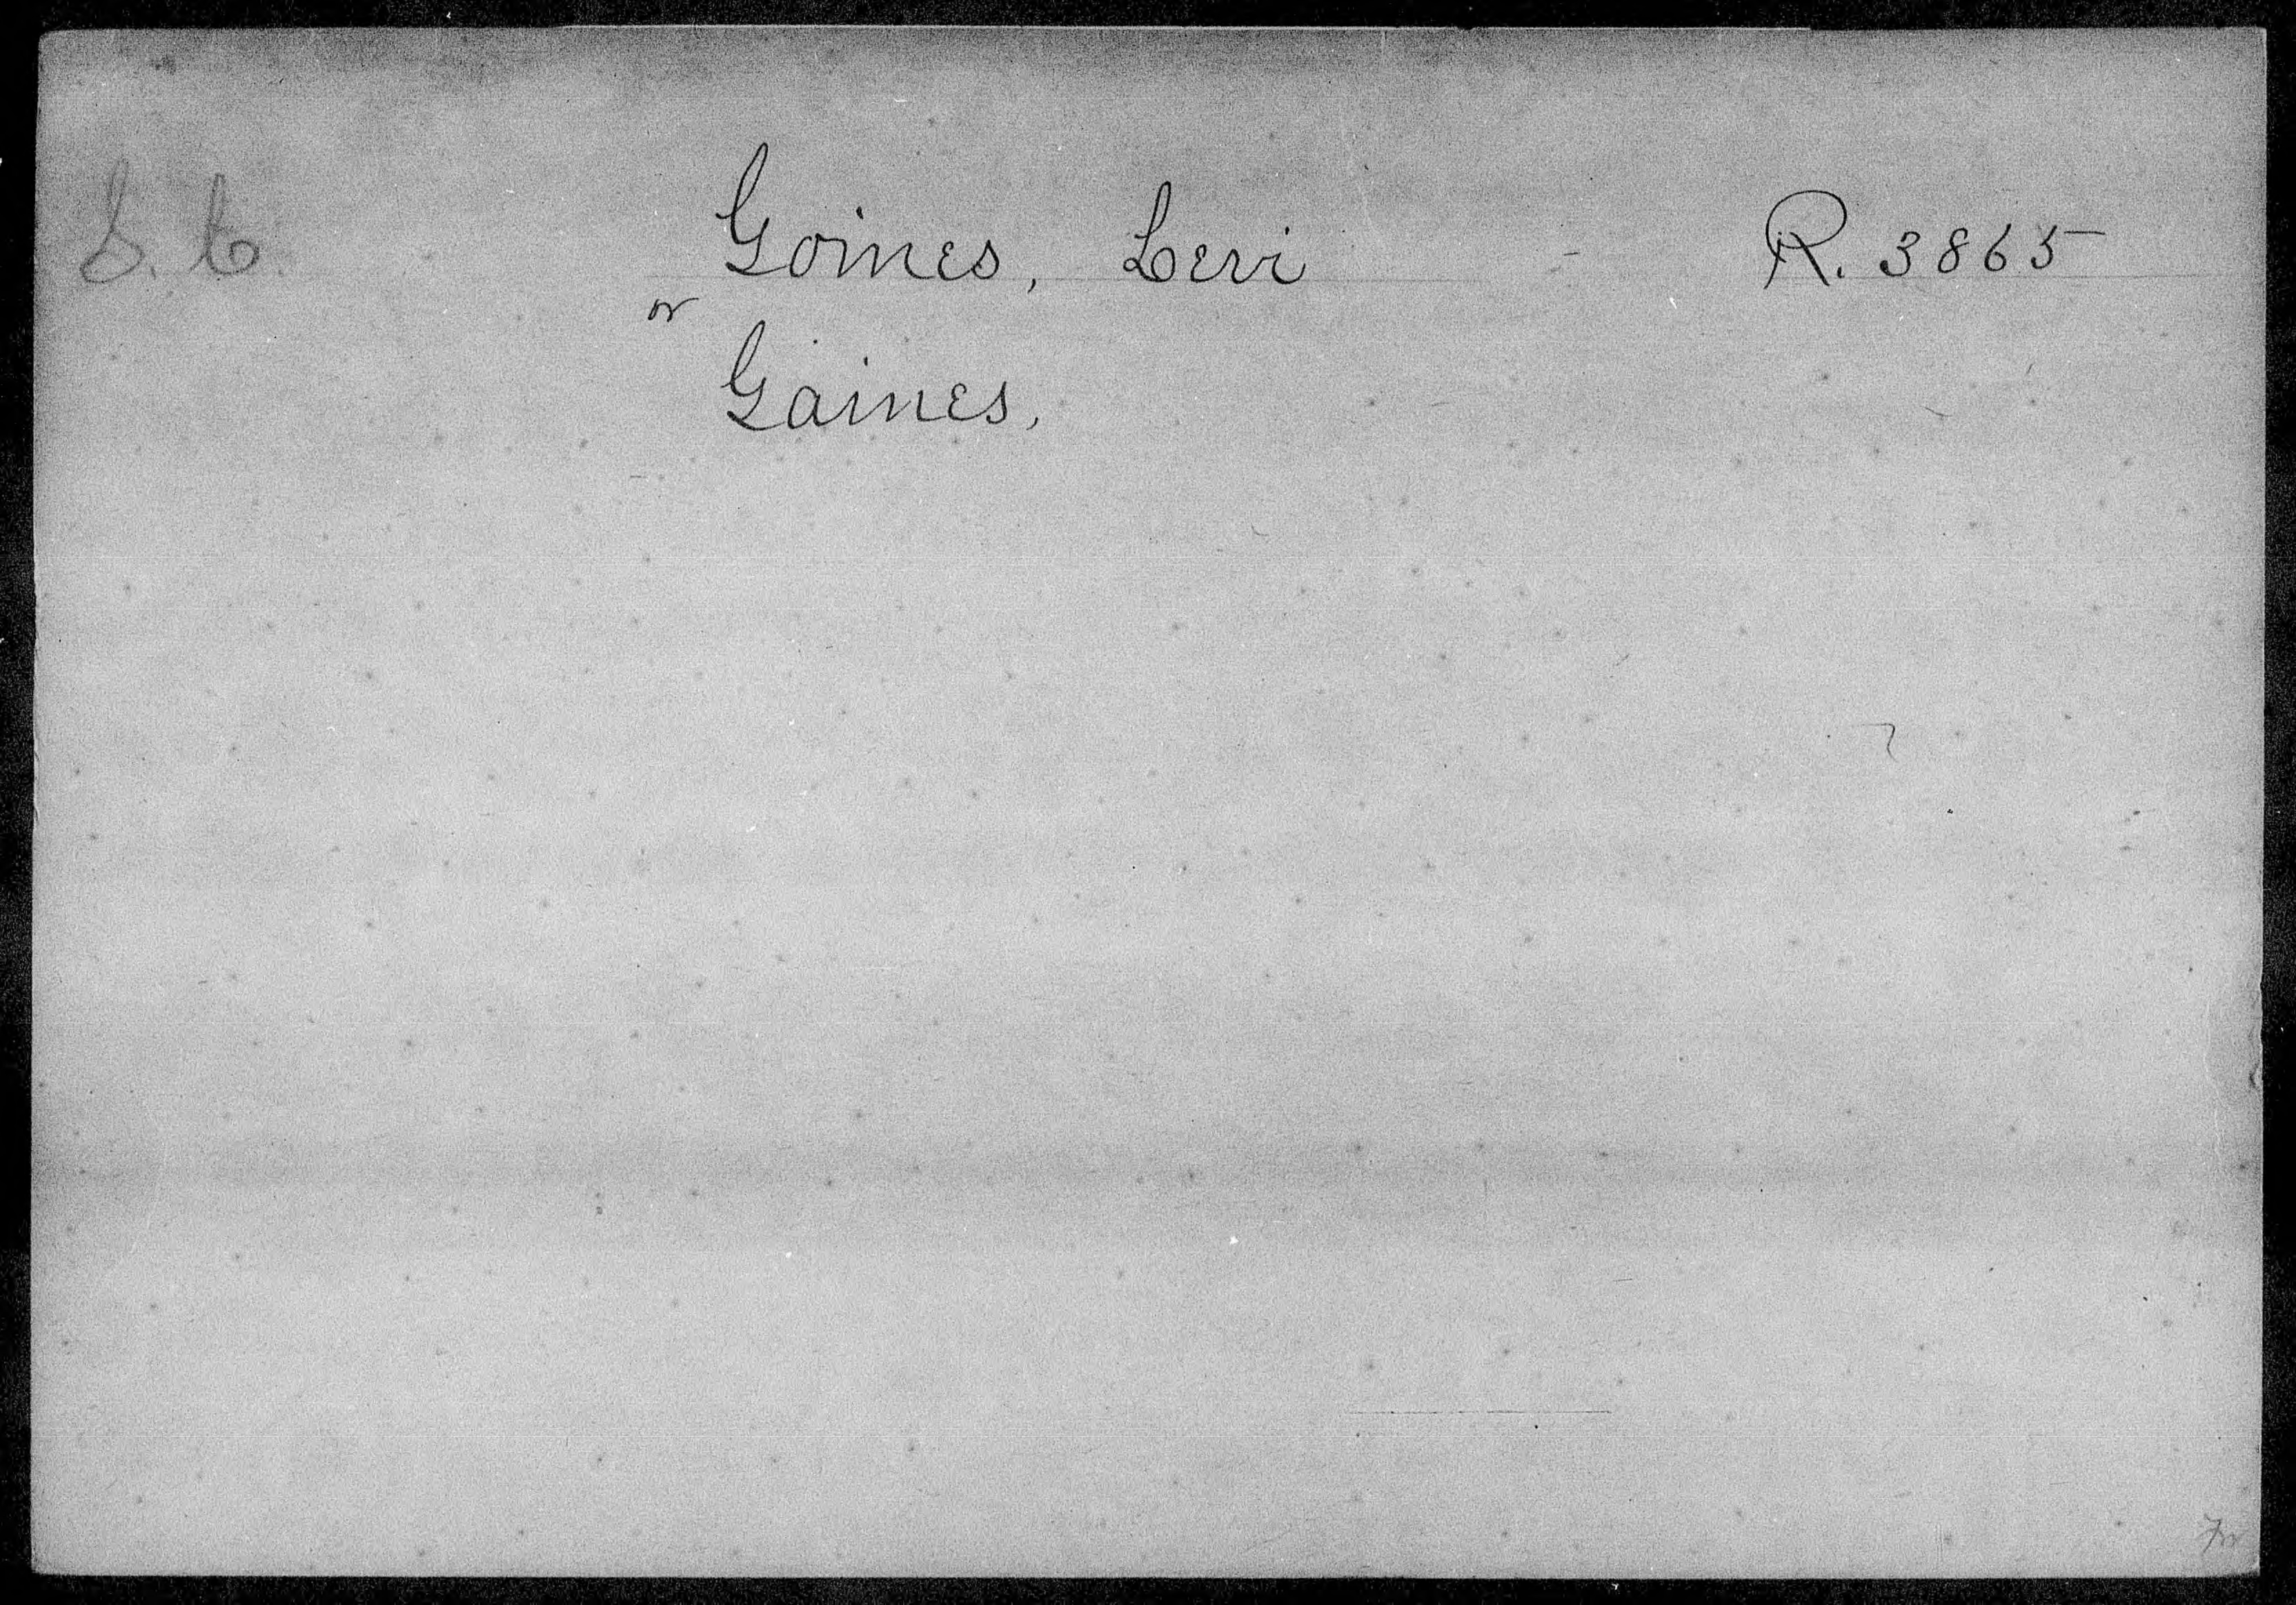S. C

Goines, Levi
or
Gaines,

R. 3865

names: Levi Gaines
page: 1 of 1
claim: rejected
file: R. 3865, Levi Goines, S.C.